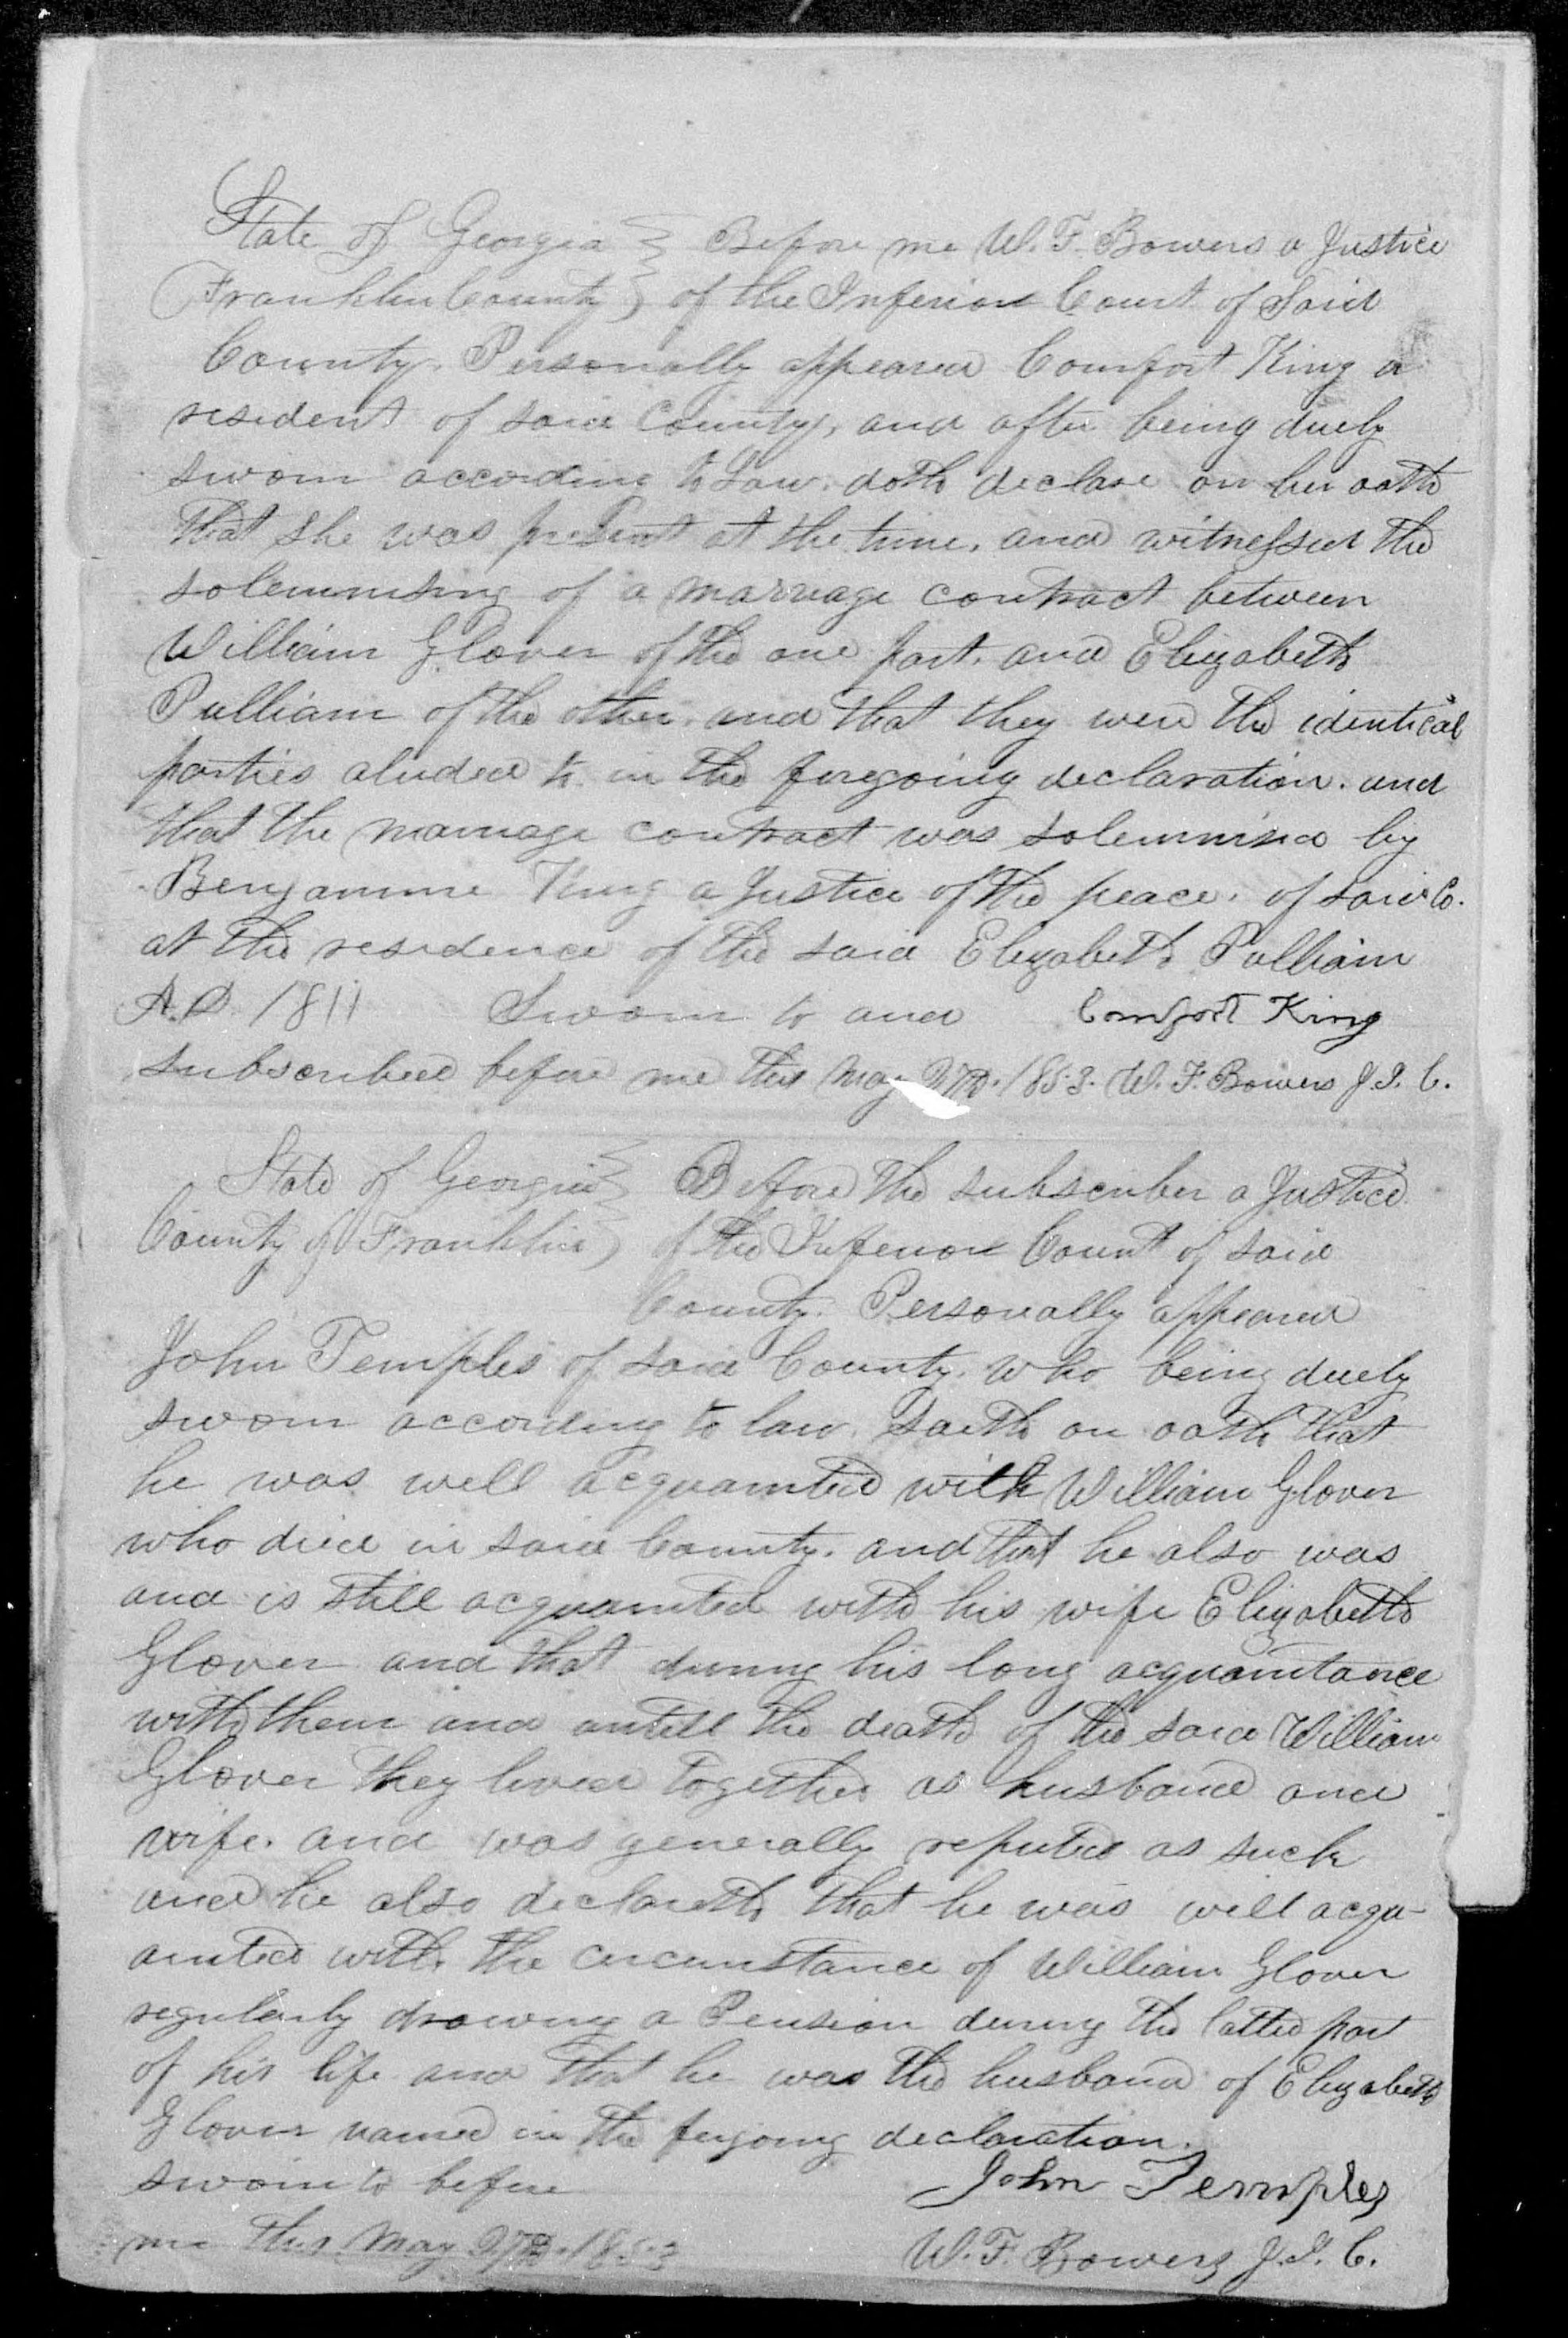State of Georgia}
Franklin County}

Before me W.F. Bowers a Justice of the Inferior Court of said county. Personally appeared Comfort King a resident of said county, and after being duly sworn according to Law, doth declare under oath that she was present at the time, and witnessed the solemnising of a marriage contract between William Glover of the one part and Elizabeth Pulliam of the other and that they were the identical parties aluded to in the foregoing declaration and that the marriage contract was solemnised by Benjamin King a Justice of the peace. of said Co. at the residence of the said Elizabeth Pulliam A.D. 1811 Sworn to and Comfort King subscribed before me this May 27th 1853. W.F. Bowers J.I.C.

State of Georgia}
County of Franklin}

Before the subscriber a Justice of the Inferior Court of said County. Personally appeared John Temples of said County, who being sworn according to law, saith under oath that he was well acquainted with William Glover who died in said County. and that he also was and is still acquainted with his wife Elizabeth Glover and that during his long acquaintance with them and until the death of the said William Glover they lived together as husband and wife, and was generally reputed as such and he also declared that he was well acquainted with the circumstance of William Glover regularly drawing a Pension during the latter part of his life and that he was the husband of Elizabeth Glover named in the foregoing declaration. 

Sworn to before                 John Temples
me this May 27, 1853        W. F. Bowers J.I.C.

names: John Temples, W F Bowers, Elizabeth Glover, William Glover, Benjamine King, Elizabeth Pulliam, Comfort King, W F Bowers, William Glover, William Glover, W F Bowers, Elizabeth Pulliam, Elizabeth Glover, John Temples, William Glover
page: 14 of 51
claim: widow's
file: W. 929, William Glover, N.C.